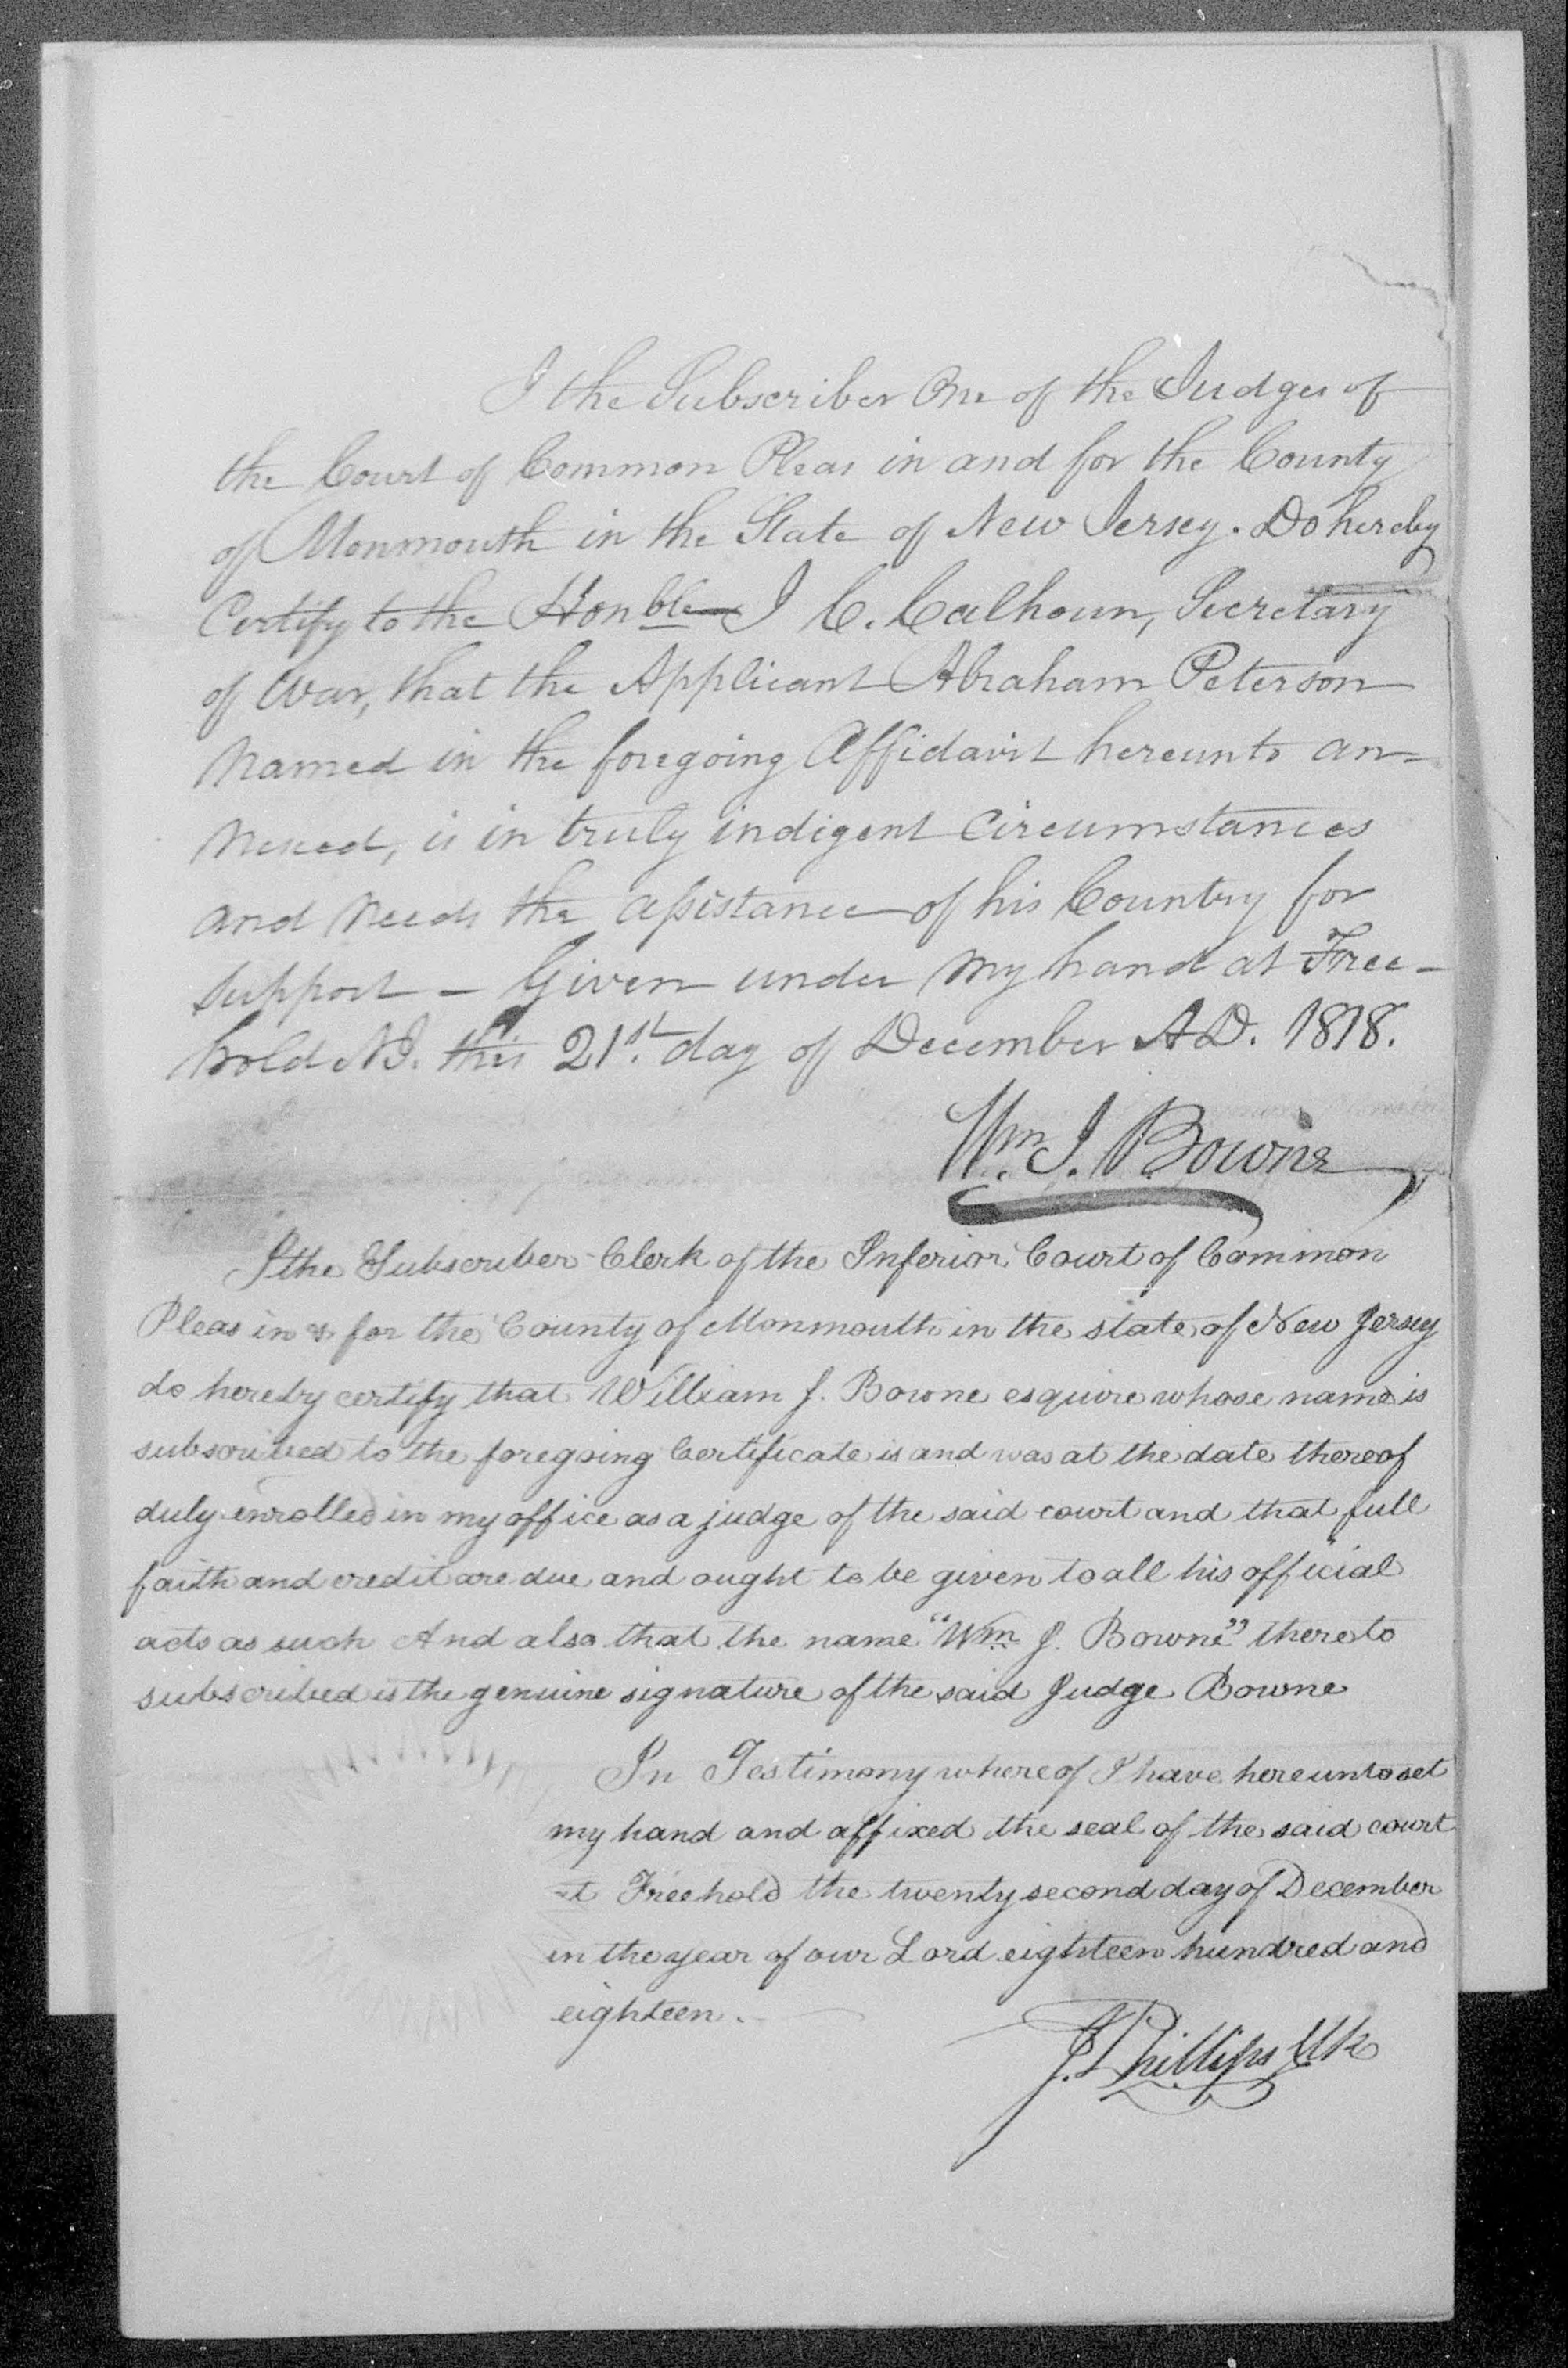I the Subscriber one of the Judges of
the Court of Common Pleas in and for the County
of Monmouth in the State of New Jersey. Do hereby
certify to the Honble J C. Calhoun, Secretary
of War, that the Applicant Abraham Peterson
named in the foregoing affidavit hereunto [?],
is in truly indigent circumstances
and needs the assistance of his Country for
Support - Given under my hand at Freehold
NJ. this 21st day of December AD. 1818.

                                     Wm J. Bowne

  I the Subscriber Clerk of the Inferior Court of Common
Pleas in & for the County of Monmouth in the State of New Jersey
do hereby certify that William J. Bowne esquire whose name is
subscribed to the foregoing Certificate is and was at the date thereof
duly enrolled in my office as a judge of the said court and that full
faith and credit are due and ought to be given to all his official
acts as such And also that the name "Wm J. Bowne" thereto
subscribed is the genuine signature of the said Judge Bowne

[seal]
In Testimony whereof I have hereunto set
my hand and affixed the seal of the said court
at Freehold the twenty second day of December
in the year of our Lord eighteen hundred and
eighteen.
                                               J. Phillips Clk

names: William J Bowne; J C Calhoun; Abraham Peterson; Judge Bowne; J Phillips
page: 6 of 12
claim: survivor's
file: S. 34,471, for Abraham Peterson, New Jersey